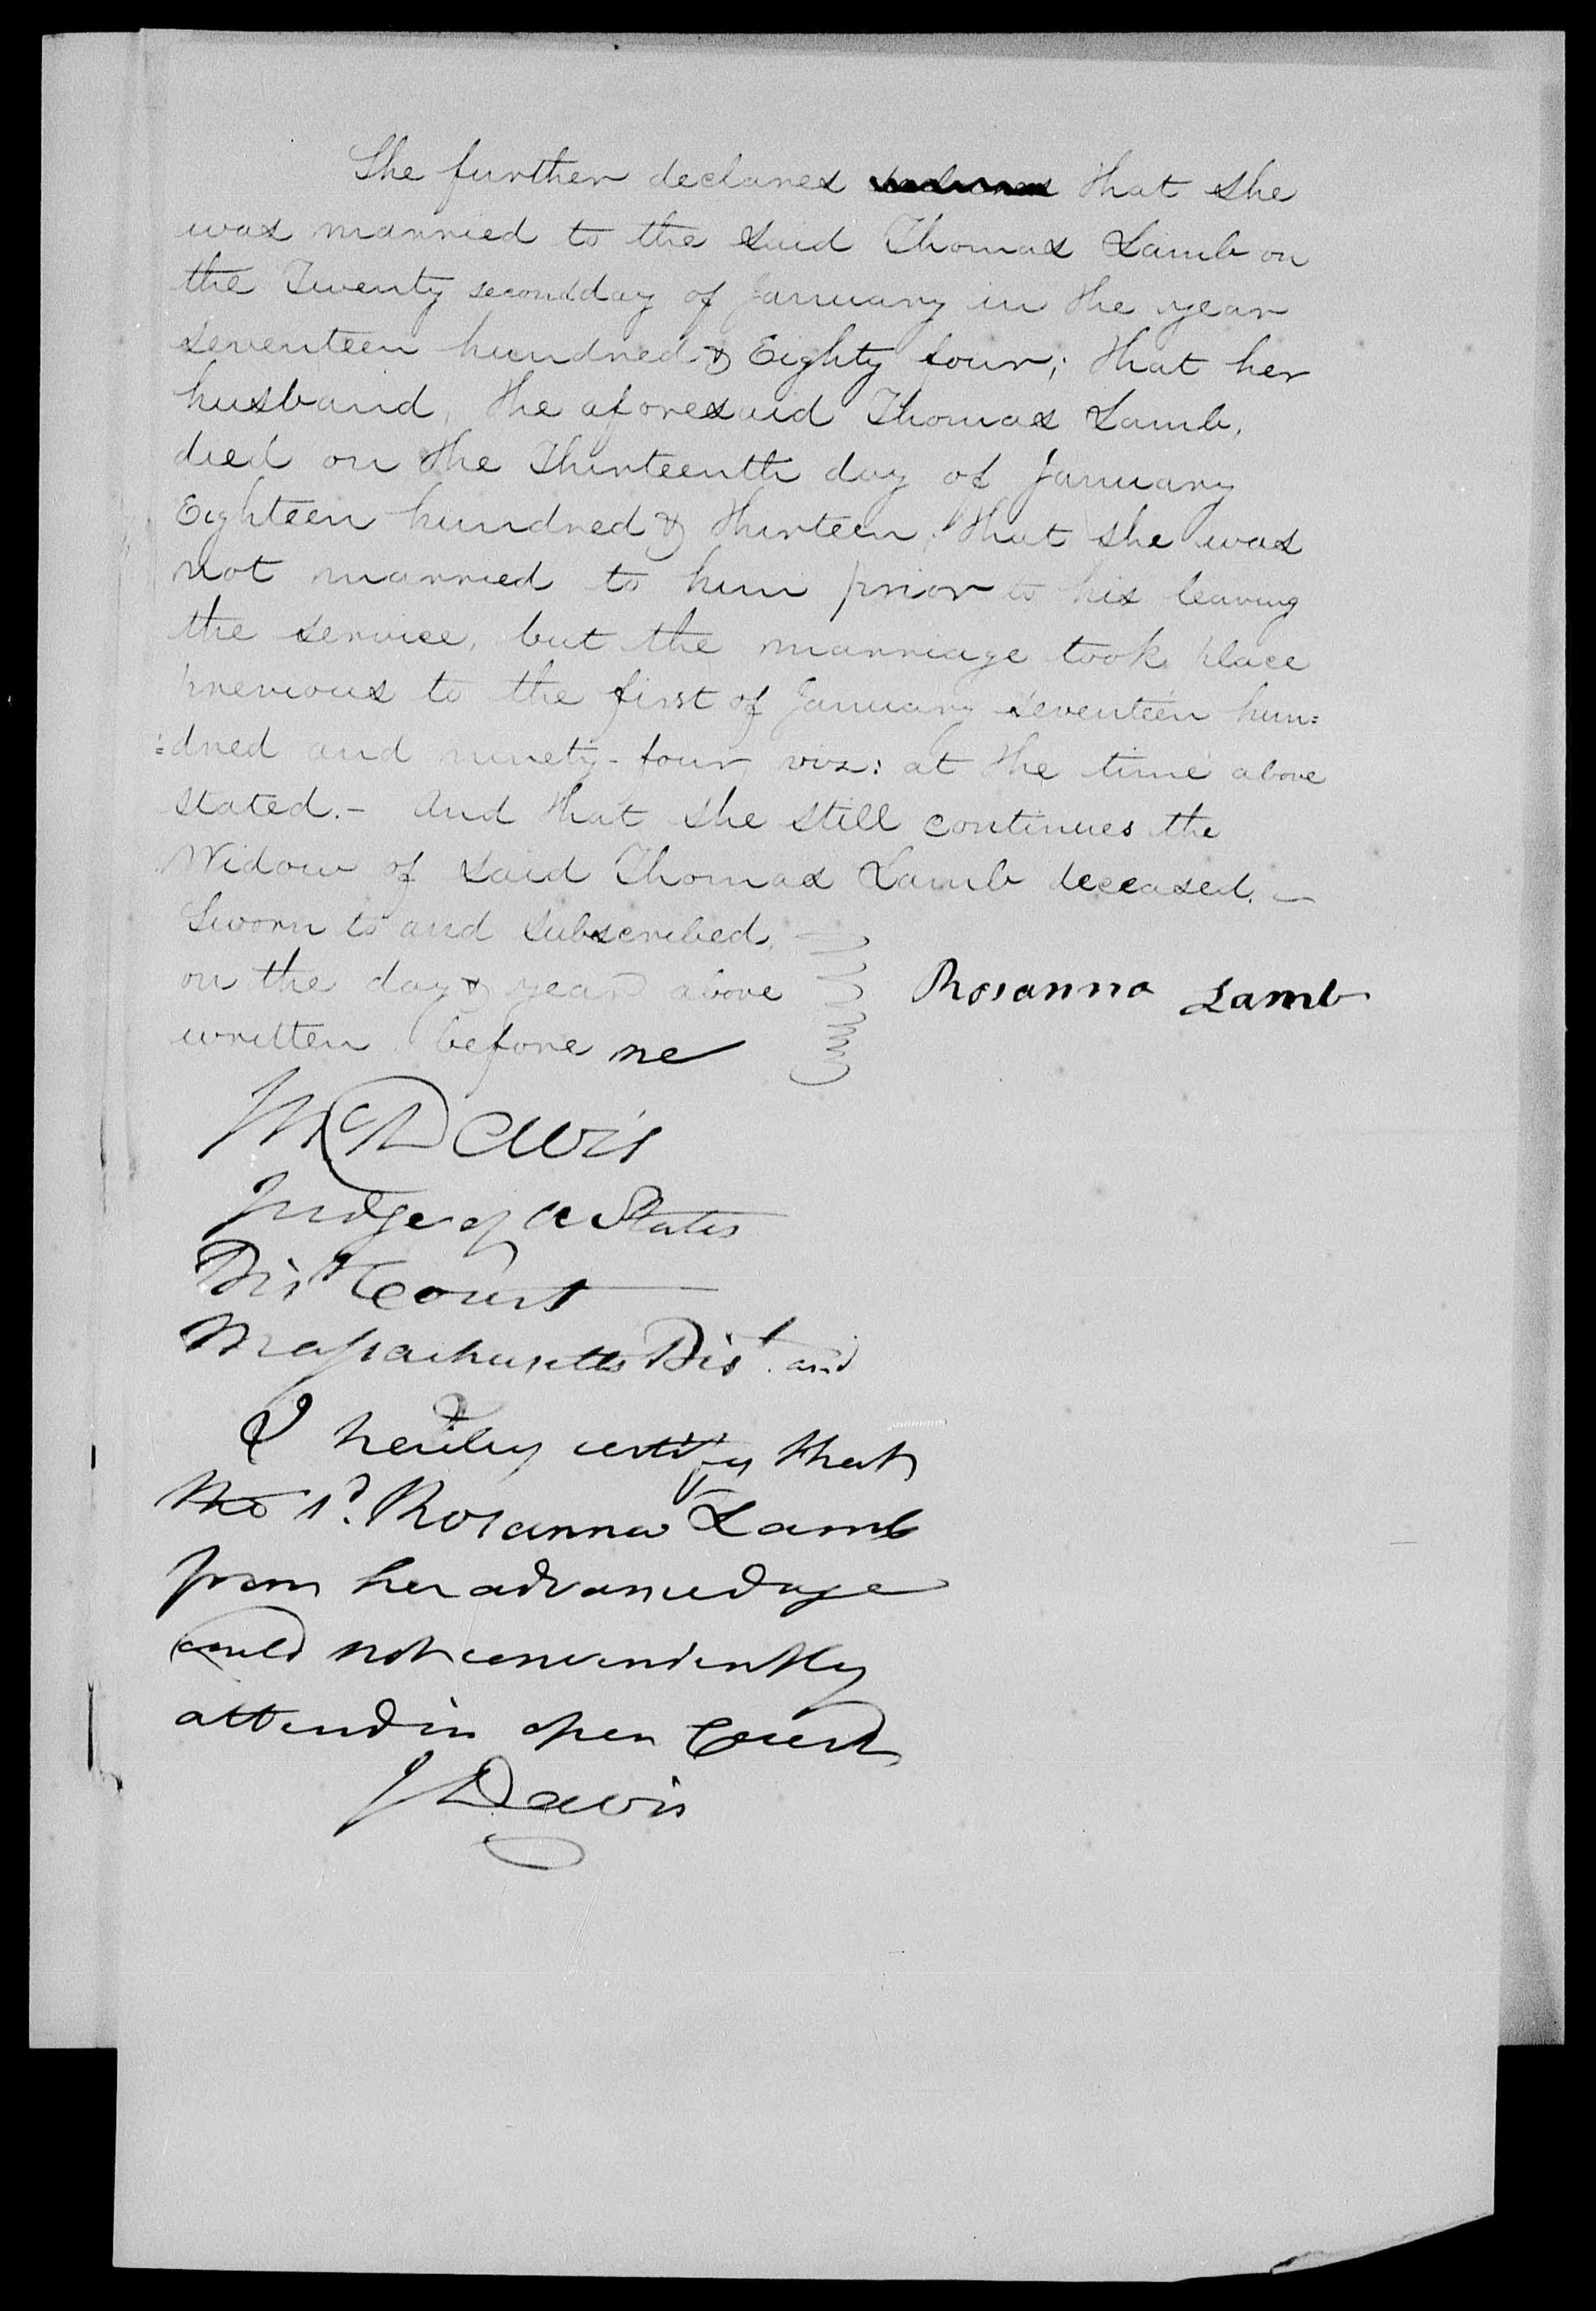She further declares that she was married to the said Thomas Lamb on the Twenty second day of January in the year seventeen hundred & eighty four; that her husband, the aforesaid Thomas Lamb, died on the Thirteenth day of January Eighteen hundred & thirteen; that she was not married to him prior to his leaving the service, but the marriage took place previous to the first of January seventeen hundred and seventy-four viz: at the time above stated. And that she still continues the Widow of said Thomas Lamb deceased.
Rosanna Lamb
Sworn to and subscribed on the day & year above written before me
John Davis
Judge of the States Dist. Court
Massachusetts Dist and I hereby certify that the said Rosanna Lamb from her advanced age could not convincingly attend in open Court
J Davis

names: Jno Davis; Rosanna Lamb; Thomas Lamb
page: 4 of 23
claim: widow's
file: W. 15010, for Thomas Lamb, Massachusetts